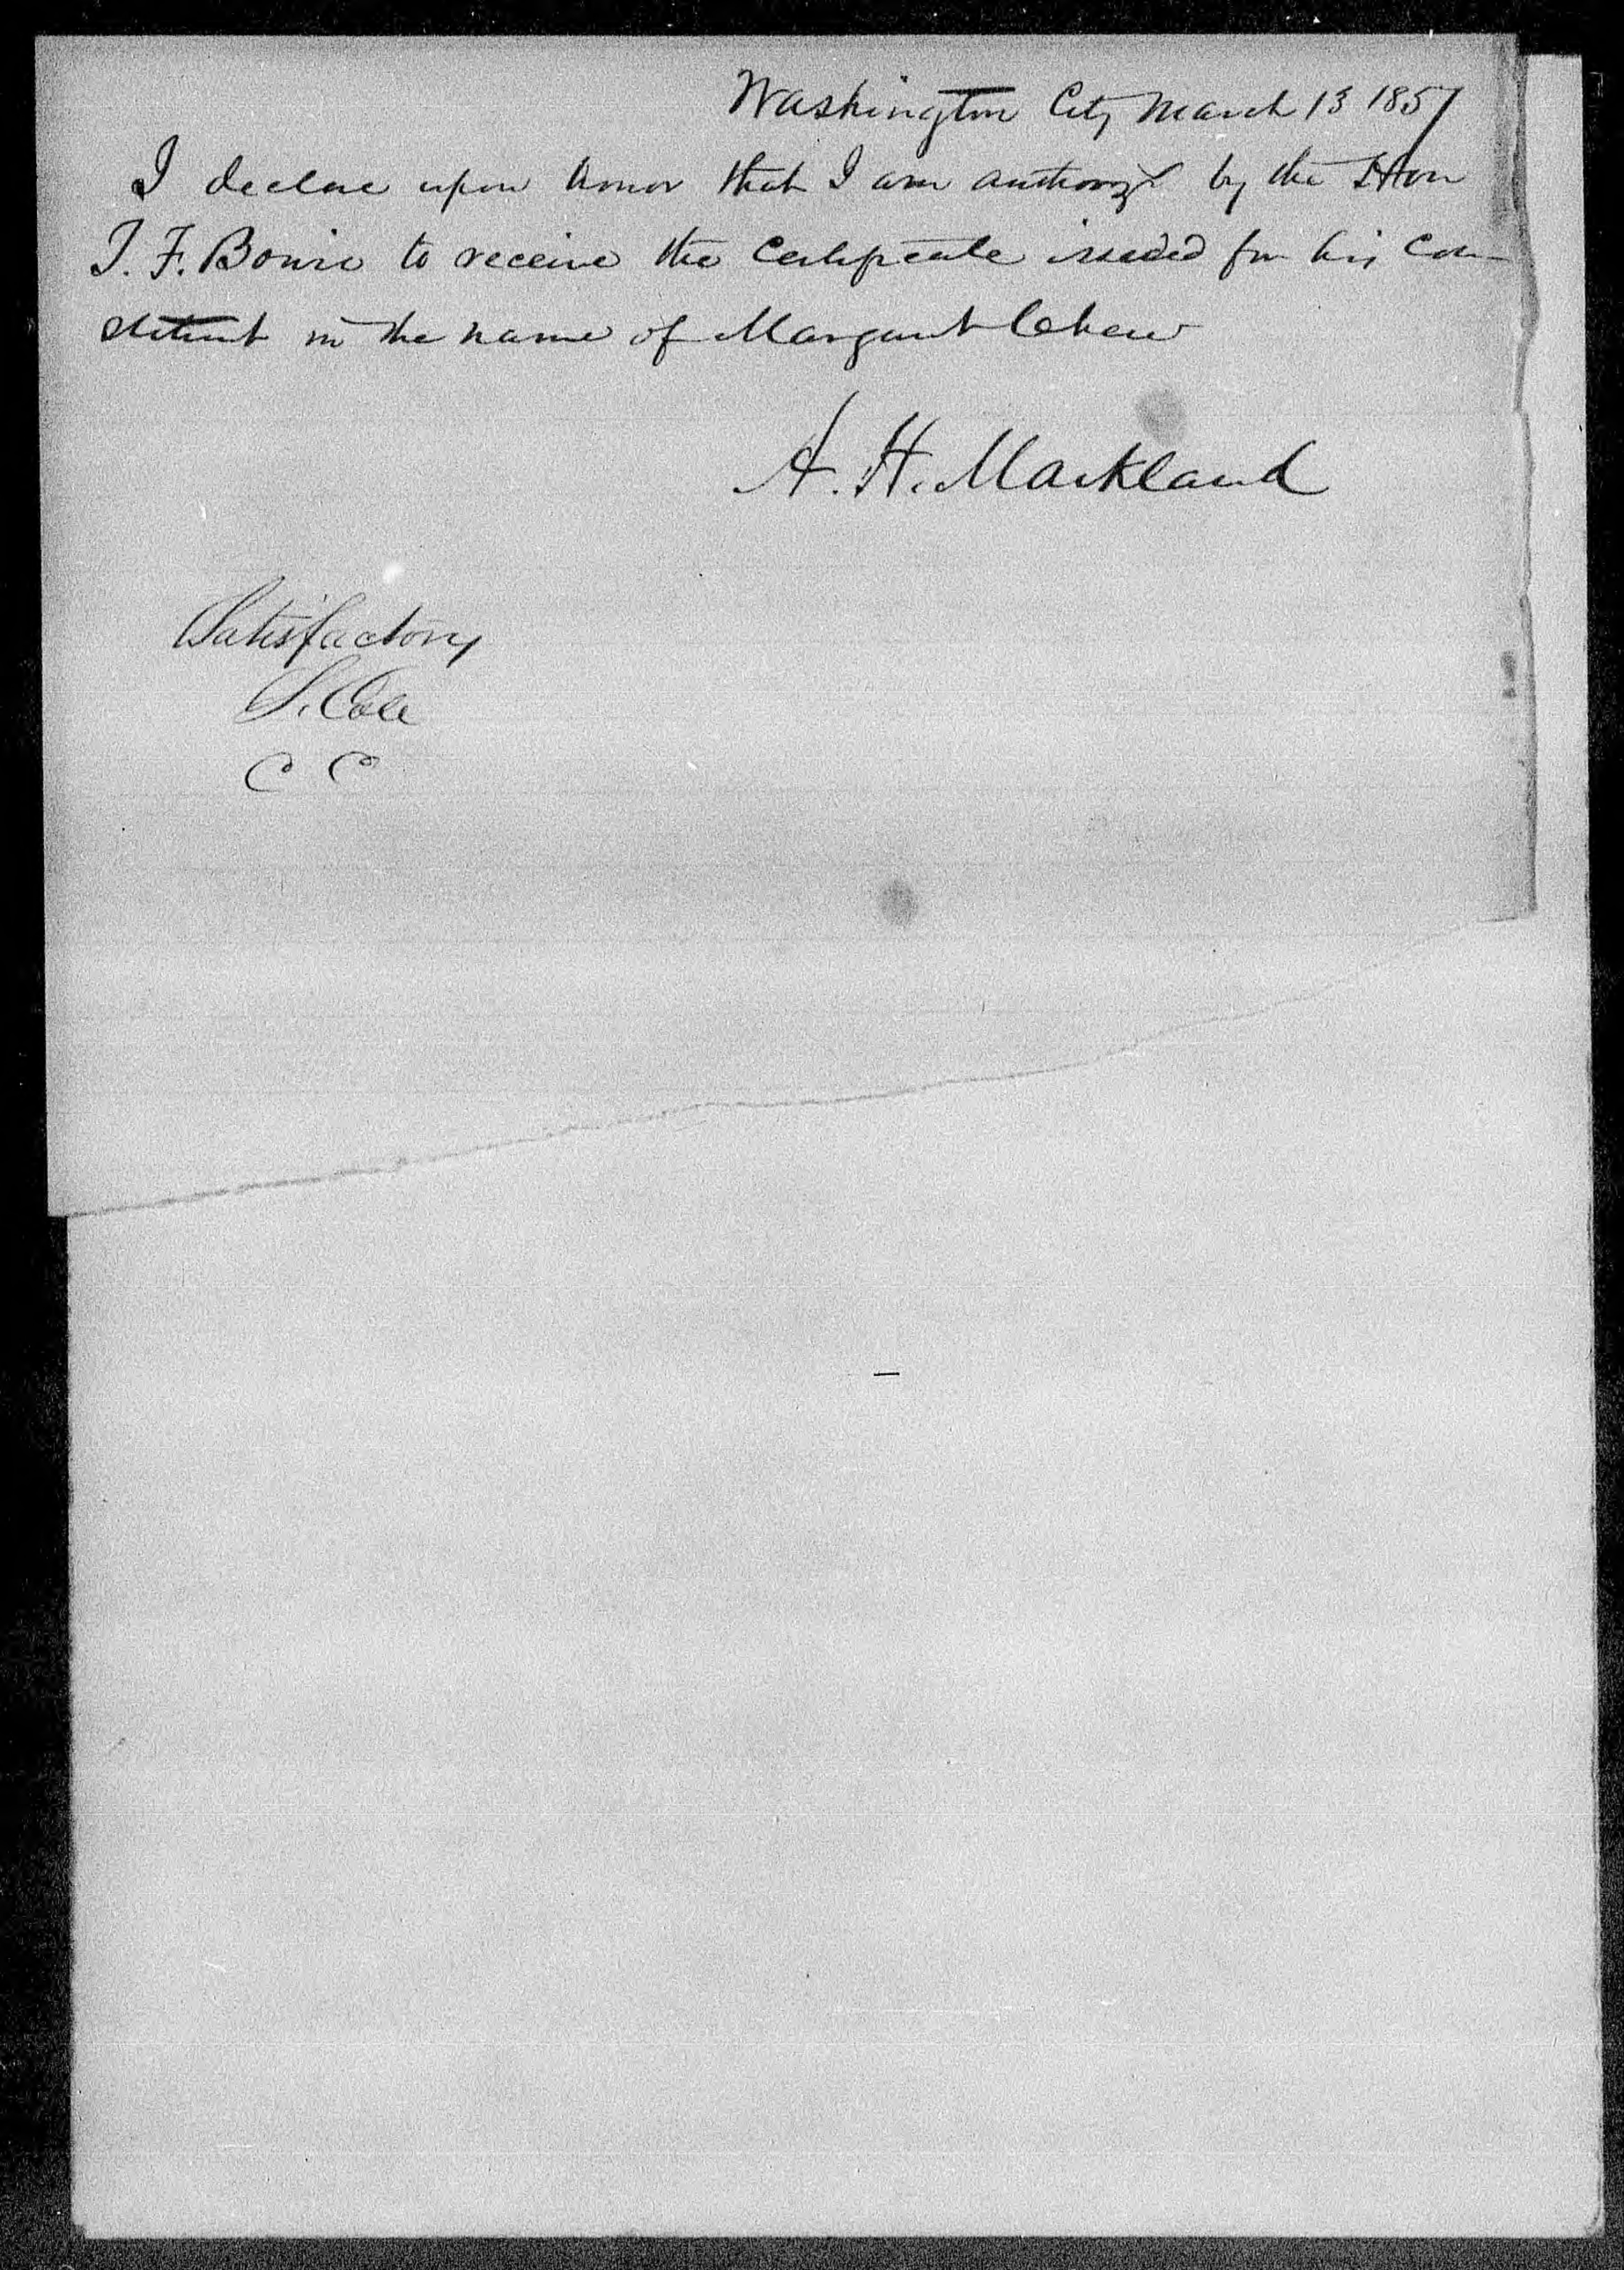Washington City March 13 1857

I declare upon honor that I am authorized by the Hon
T. F. Bowie to receive the certificate issued for his con-
stituent in the name of Margaret Chew.

A. J. Markland

Satisfactory
S. Cole
CC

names: S Cole, Margaret Chew, T F Bowie, Anthony, A H Markland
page: 29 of 59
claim: widow's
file: W. 9383, Nathaniel Chew, Navy (Md.)